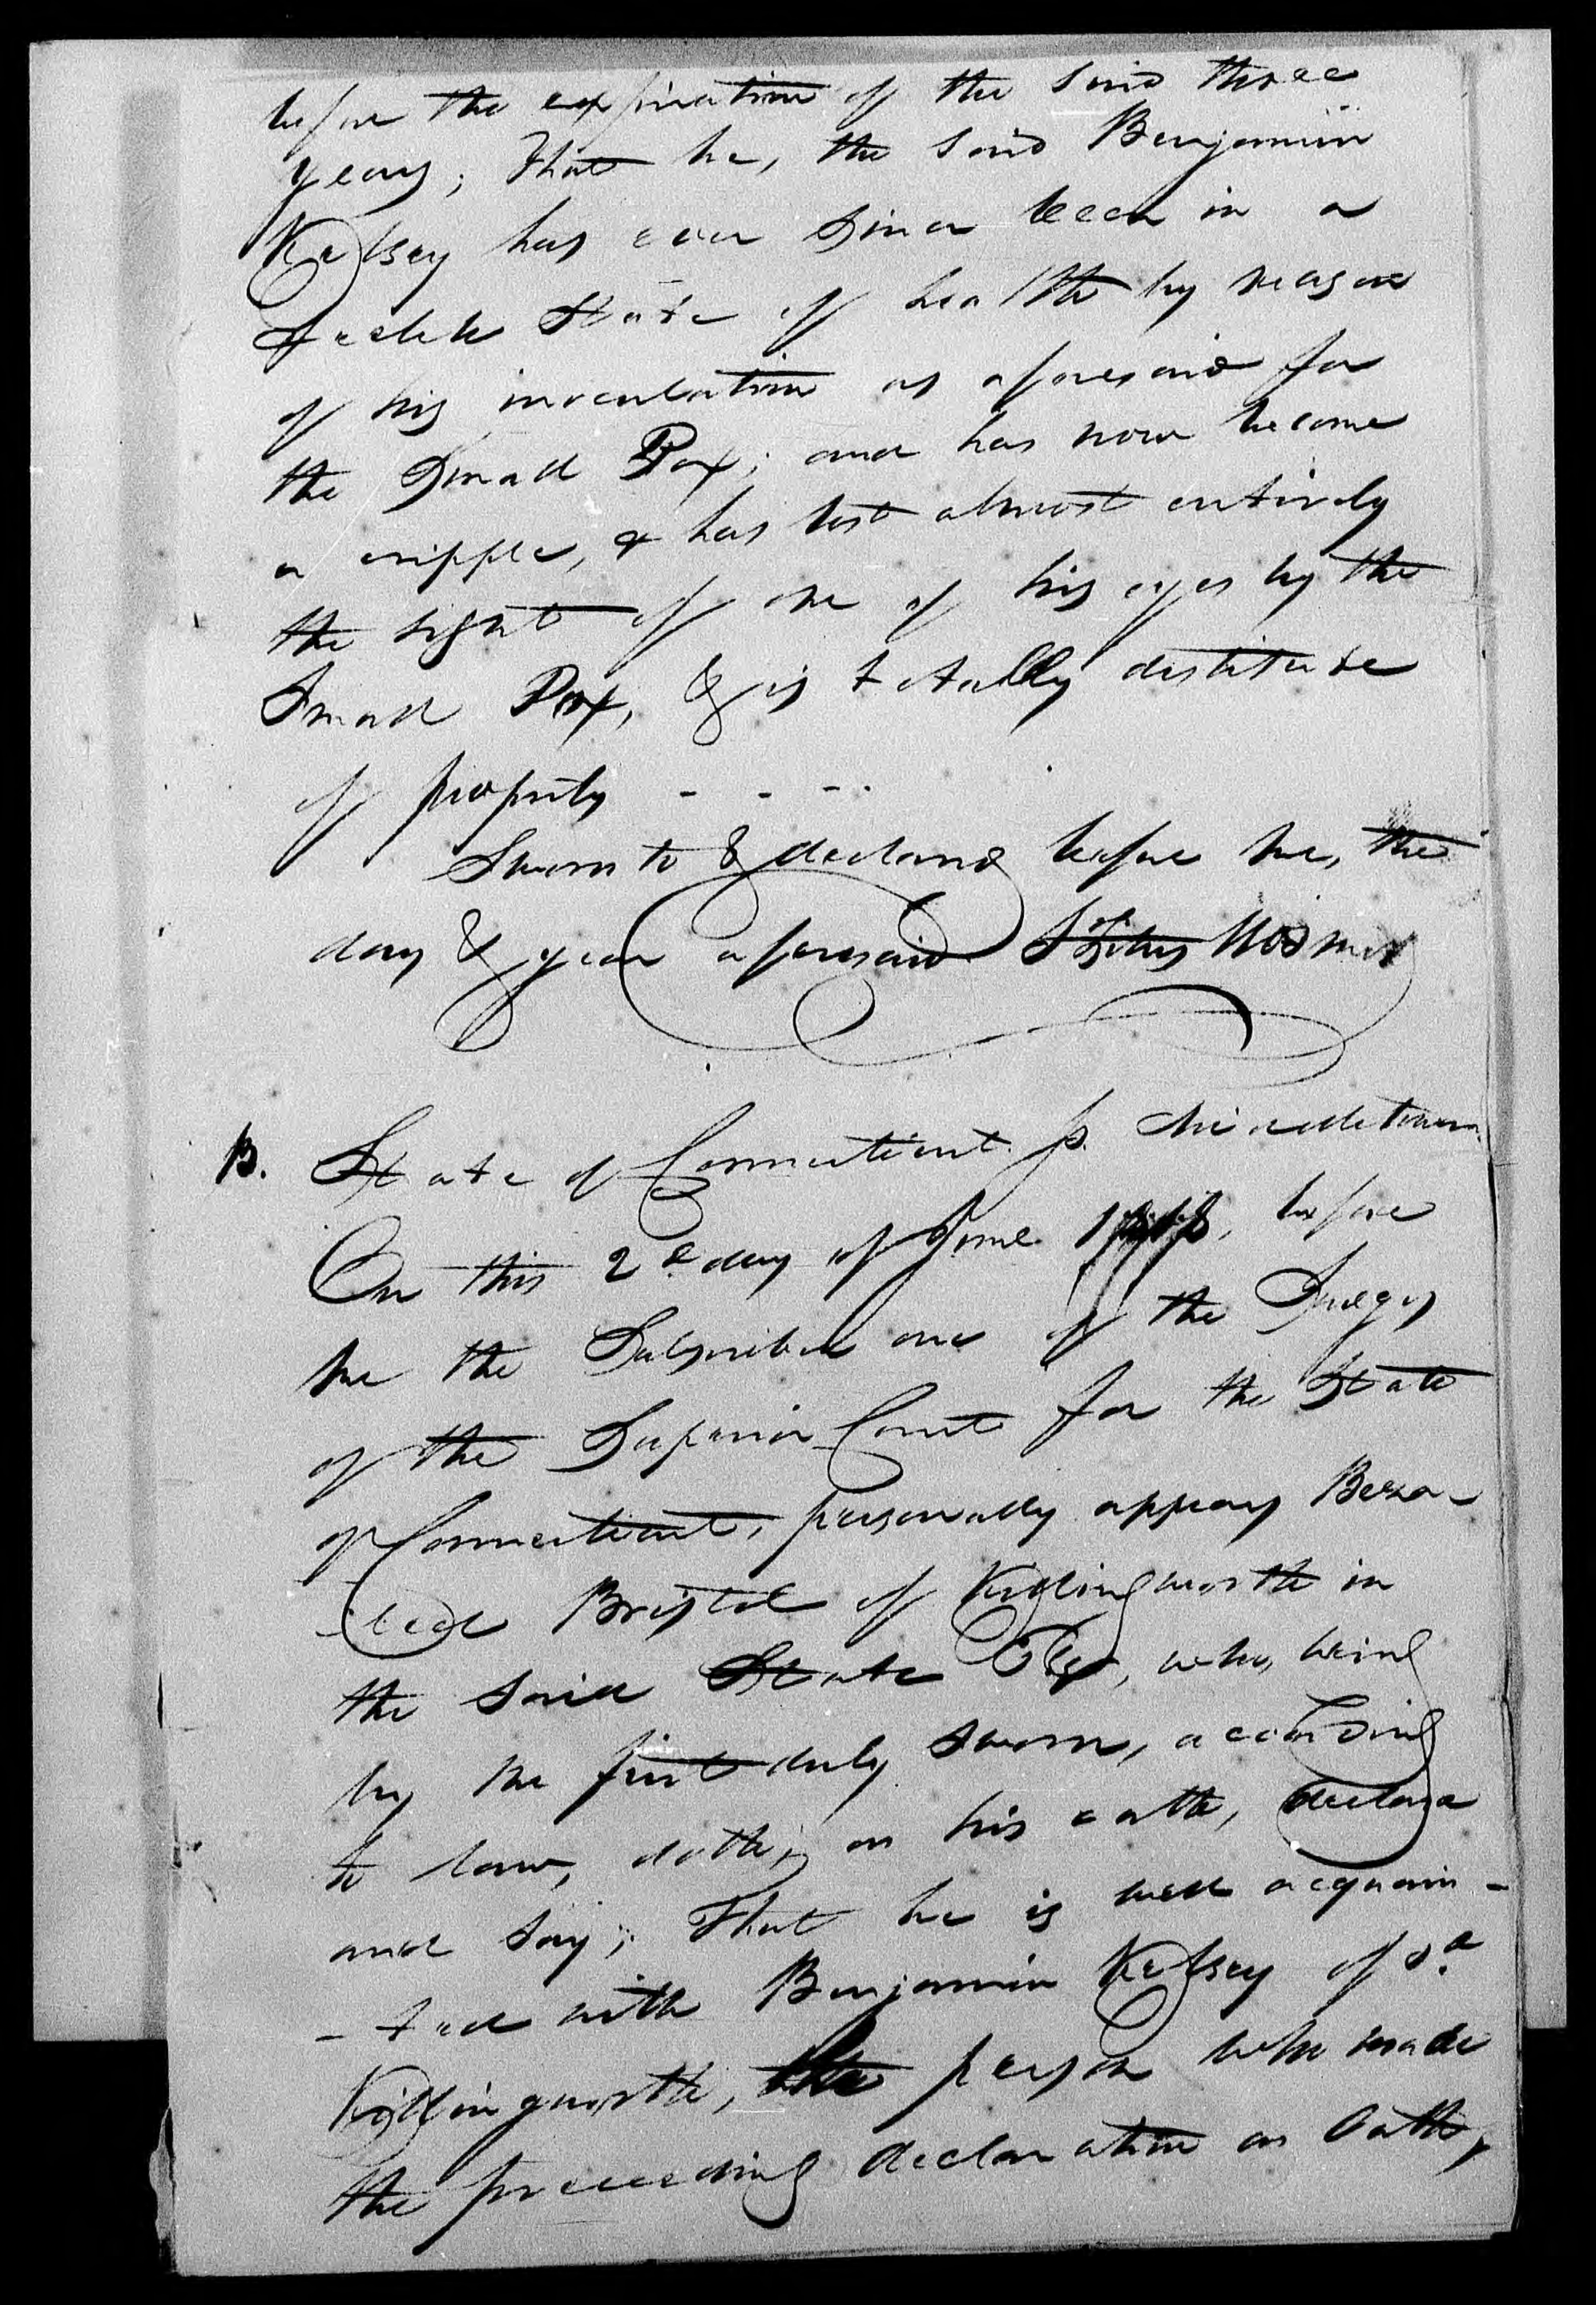before the expiration of the said three years; That he, the said Benjamin Kelsey has ever since been in a feeble state of health by reason of his inoculation as aforesaid for the Small Pox, and has now become cripple, has lost almost entirely the sight of one of his eyes by the Small Pox & is totally destitute of property.   
Sworn to & declared before me the day & year aforesaid  S. Titus Hosmer
B
State of Connecticut ss Middletown 
On this 2d day of June 1818 before me the Subscriber one of the Judges of the  Superior Court for the State aforementioned, personally appears Bezaleel Bristol of Killingworth in the said State who being by me first duly sworn according to law,  doth on his oath, declare and say That he is well acquainted with Benjamin Kelsey of said Killingworth, the person who made the preceding declaration on oath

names: Bezaleel Bristol; S Titus; Benjamin Kelsey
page: 11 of 21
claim: survivor's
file: S. 36676, for Benjamin Kelsey, Connecticut